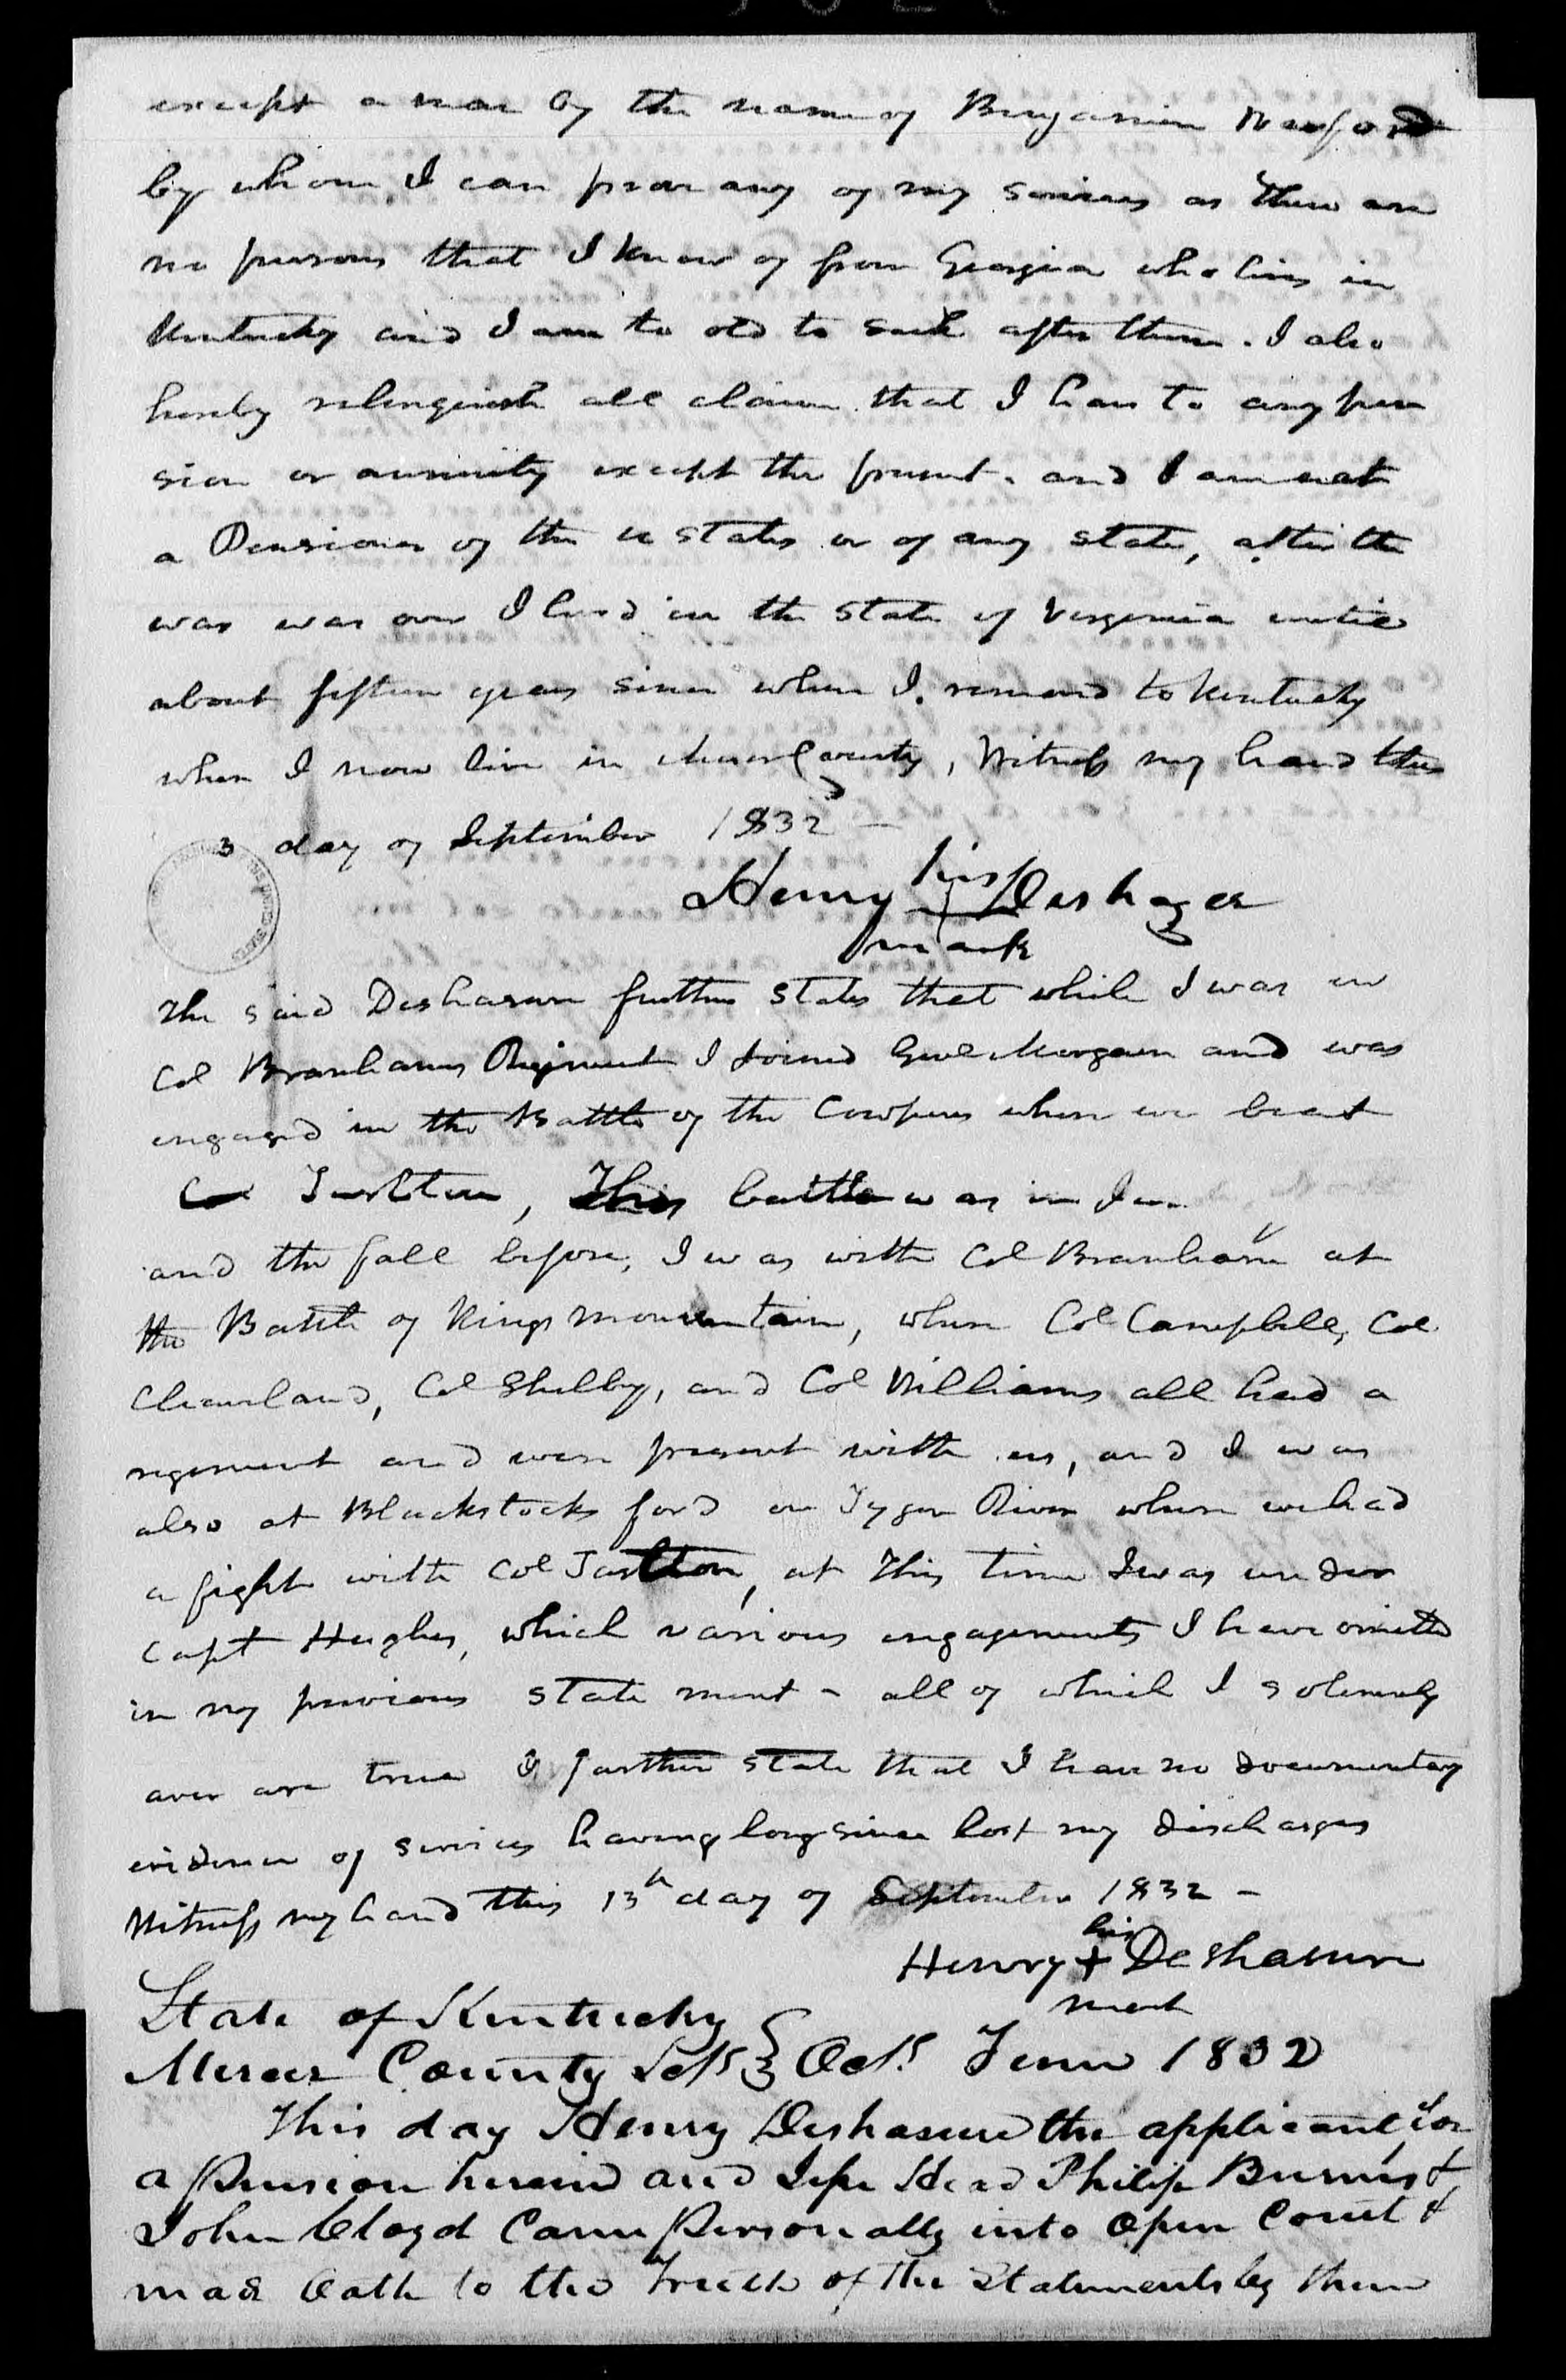except a man by the name of Benjamin Warford by whom I can prove any of my service as there are no persons that I know of from Georgia who live in Kentucky and I am to old to seek after them.  I also hereby relinquish all claims that I have to any pension or annuity except the present and I am not a pensioner of the U States or any other state  after the war was over I lived in the state of Virginia until about fifteen years since when I removed to Kentucky where I now live in  Mercer county    Witness my hand this 3 day of September 1832
Henry Deshasure X his mark

The said Deshasure further states that while I was in Col Branhams Regiment I joined Genl Morgan and was engaged in the Battle of the Cowpens when we beat Col Tarlton. This battle was in Jan and the fall before, I was with Col Branham at the Battle of Kings Mountain, when Col Campbell, Col. Cleveland, Col Shelby, and Col Williams all had a regiment and were present with us, and I was also at Blackstocks ford or Tyger River when we had a fight with Col Tarlton, at this time I was under Capt Hughes, which various engagements I have omitted in my previous statement- all of which I solemnly swear are true. I further state that I have no documentary evidence of services having long since lost my discharges. Witness my hand this 13th day of September 1832
Henry Deshasure X his mark

State of Kentucky Mercer County SS Octr Term 1832
This day Henry Deshasure the applicant for a pension herein and Jesse Head Philip Burnes & John Cloyd came personally into open count & made oath to the Truth of the Statements by them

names: Deshasure, Branham, Tarlton, Tarlton, Philip Burnes, Henry Deshasure, Jesse Head, Cleaveland, Hughes, Williams, Morgan, Campbell, Benjamin Warford, Henry Deshazer, Henry Deshasure, Shelby, John Cloyd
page: 5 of 12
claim: survivor's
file: S. 16,362, Henry Deshasure, Ga. S.C.